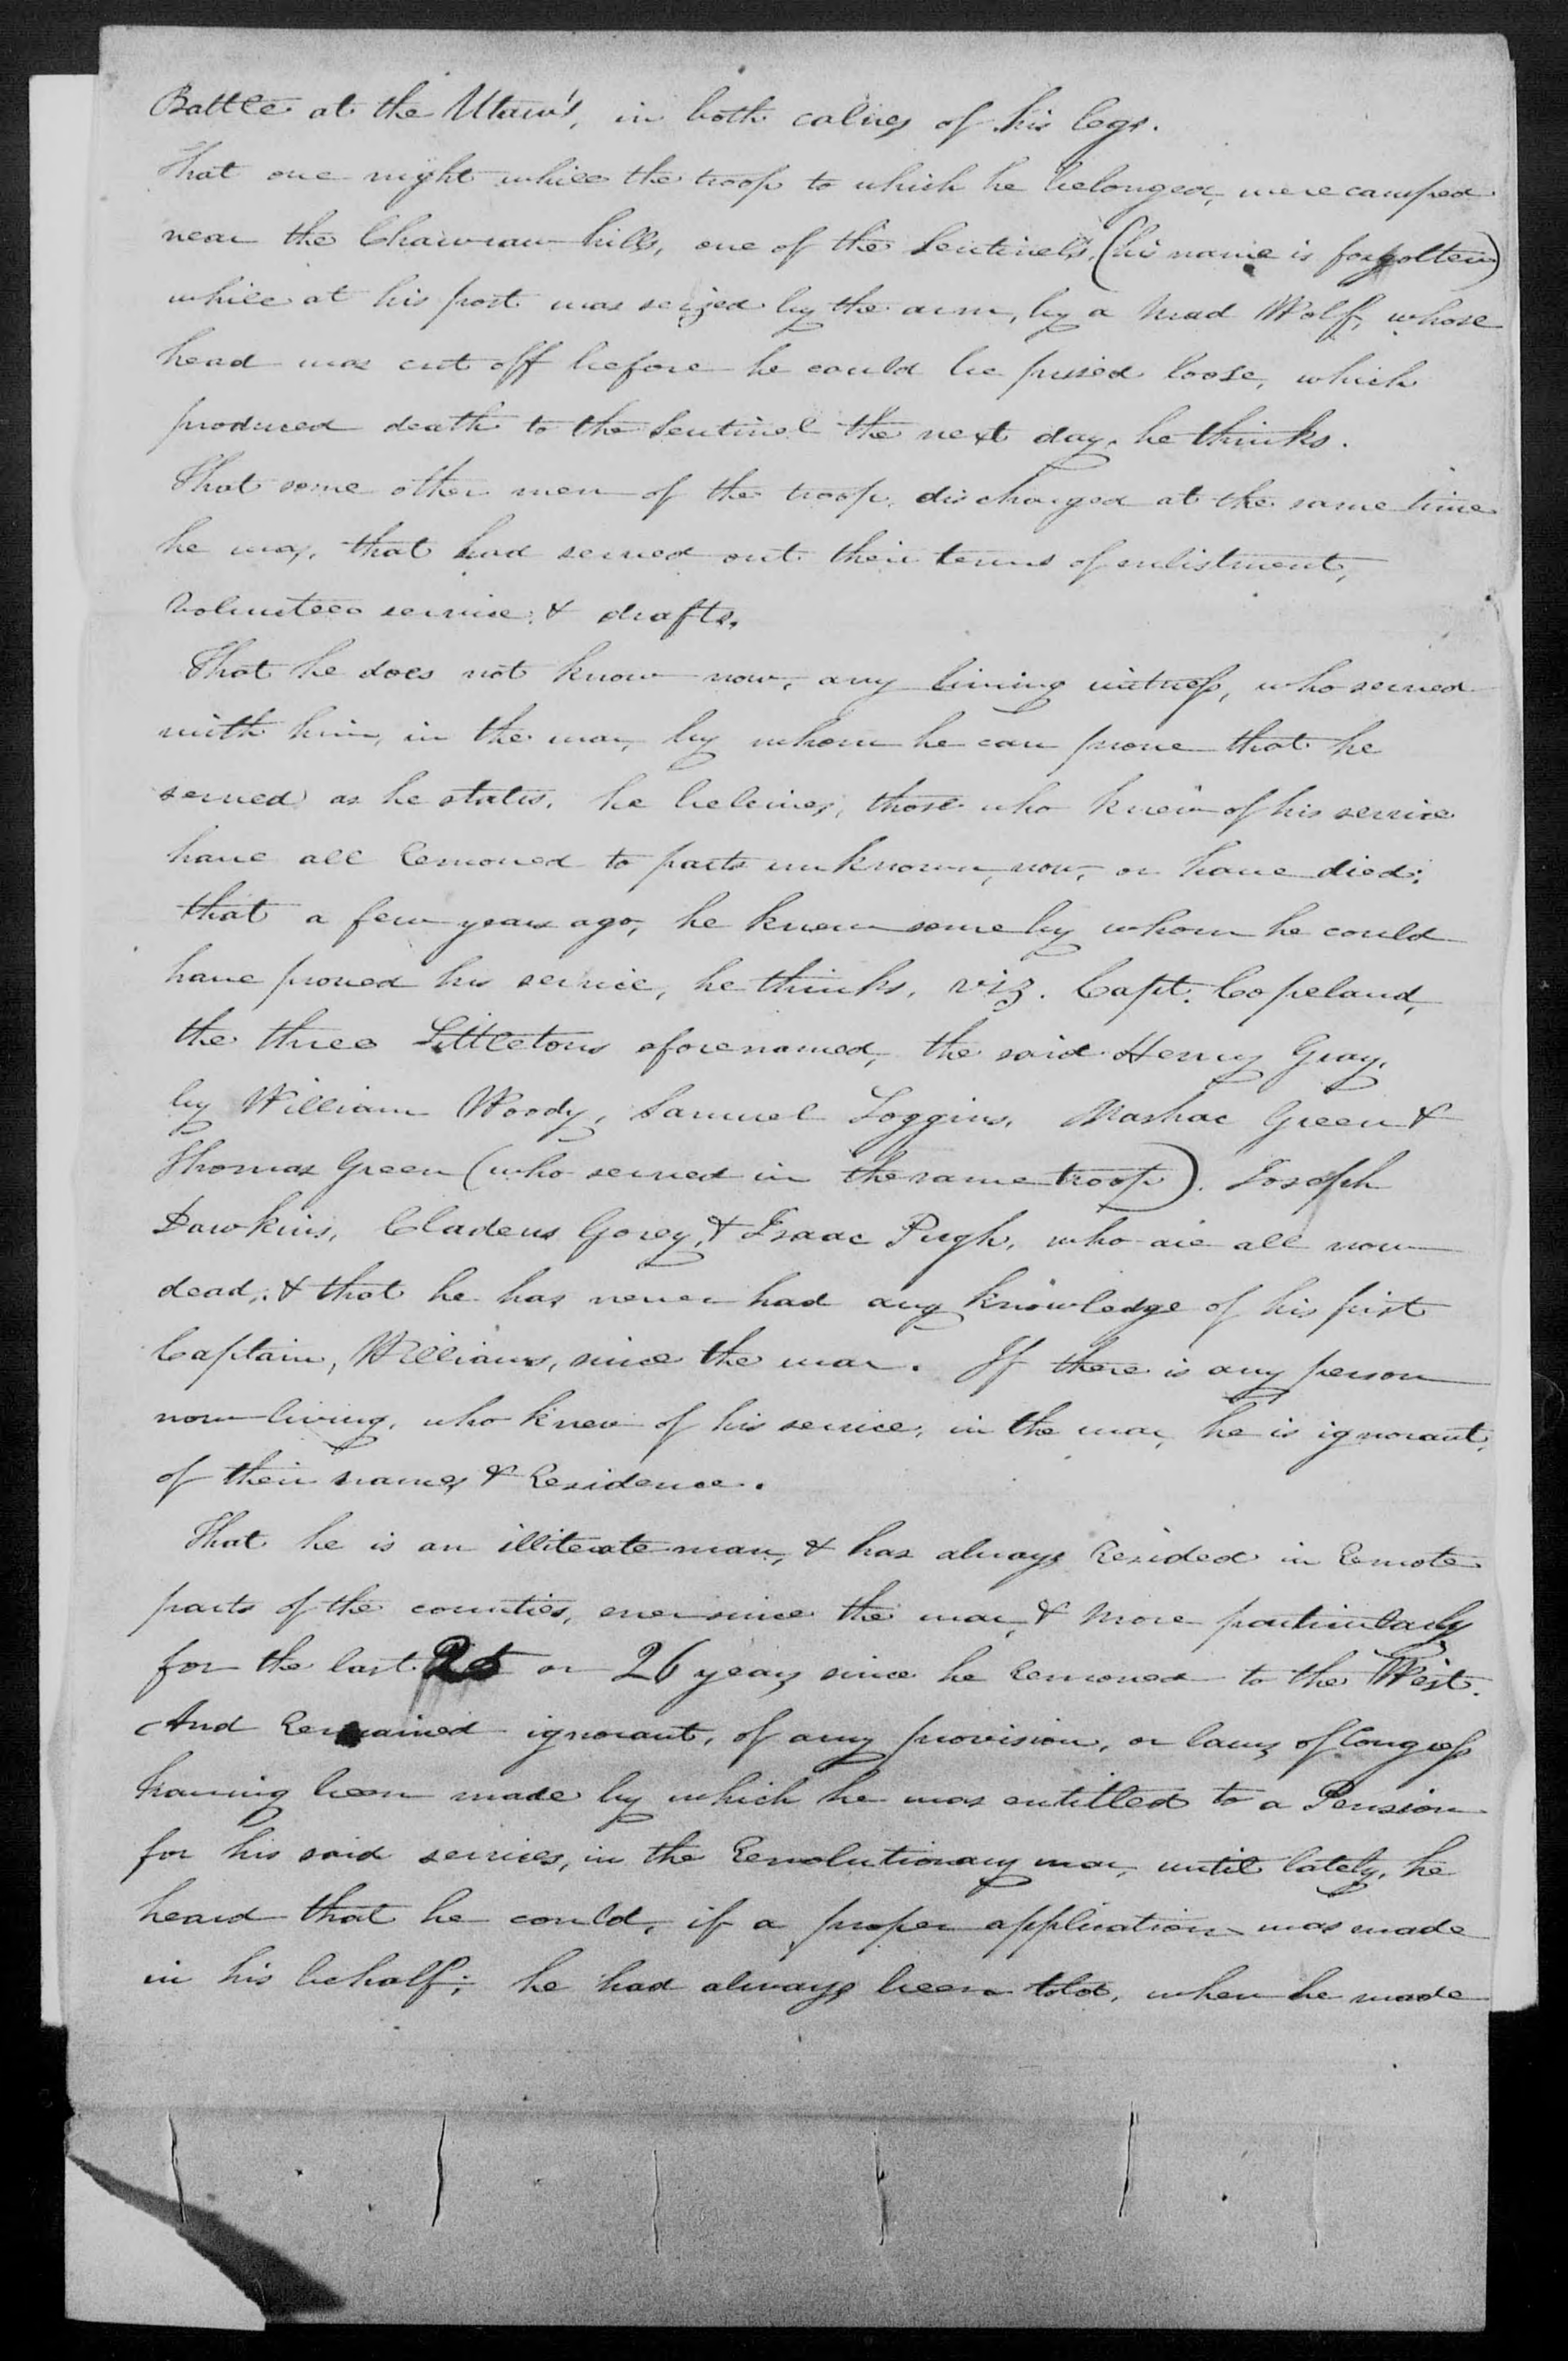Battle at the Utaw's [Eutaw Springs], in both calves of his legs. that one night while the troop to which he belonged were camped 
near the Chawraw [Cheraw] hill , one of the Sentinels (his name is forgotten) while at his post was seized by the arm by a mad Wolf, whose head was cut off before he could be pried loose, which
produced death to the Sentinel the next day, he thinks.
That some other men of the troop discharged at the same time
he was that had served out their terms of enlistment, Volunteer service & drafts.
That he does not know now any living witness, who served with him, in the war, by whom he can prove that he
served as he states. he believes, those who knew of his service
have all removed to parts unknown, now, or have died. that a few years ago, he knows some by whom he could have proved his service, he thinks, viz. Capt. [William] Copeland
the three Littletons' aforenamed, the said Henry Gray, by William Woody, Samuel Loggins, Mashac Green &
Thomas Green (who served in the same troop) Joseph Dawkins, Cladeus Gorey, & Isaac Pugh, who are all now dead & that he has never had any knowledge of his first Captain [John] Williams, since the war. If there is any person now living, who knew of his service, in the  war, he is ignorant,
of their names & Residence.
That he is an illiterate man, & has always resided in remote parts of the counties, ever since the war & more particularly for the last 25 or 26 years since he removed to the West. and remained ignorant o any provision, or laws of Congress having been made by which he was entitled to a Pension
for his said services, in the Revolutionary war, until lately, he
heard that he could, if a proper application was made in his behalf; he had always been told, when he made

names: Copeland, Isaac Pugh, William Woody, Cladeus Gorey, Williams, Joseph Dawkins, Samuel Loggins, Henry Gray, Mashac Green, Thomas Green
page: 8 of 41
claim: rejected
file: R. 1309, James Brown, S.C.